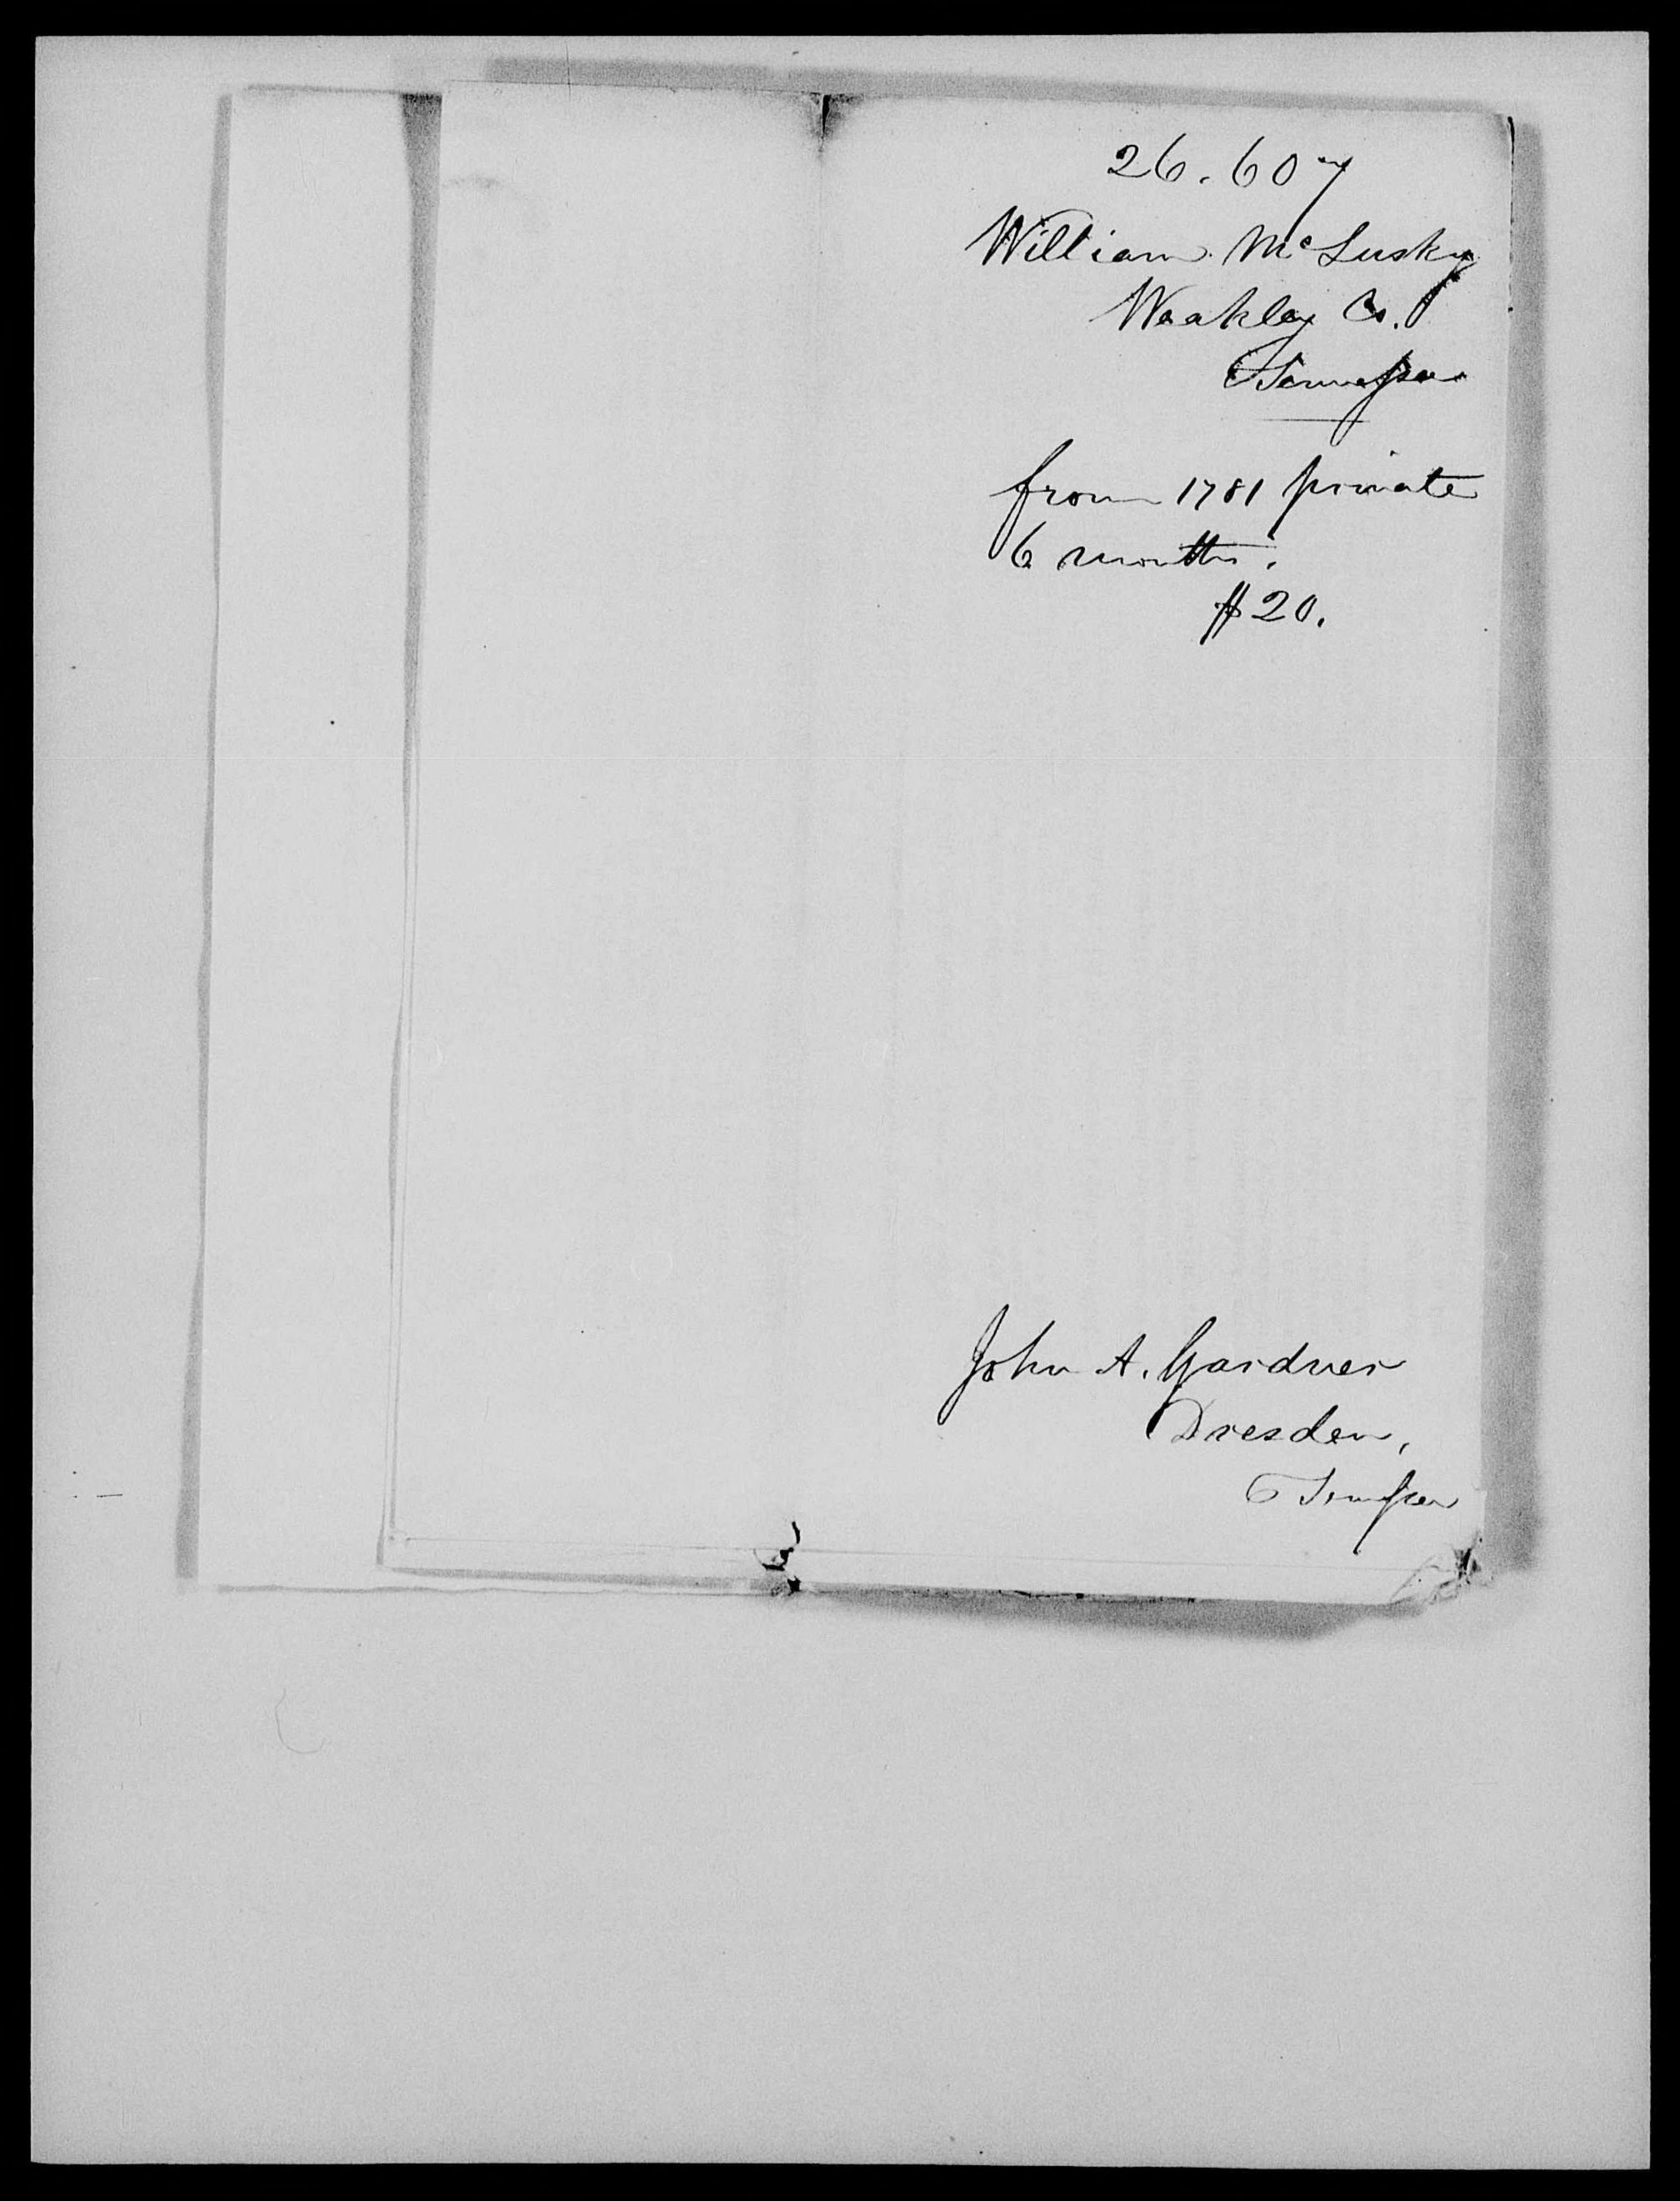26.607 

William McLusky 

Weakley Co 
Tennessee 

from 1781 private 
6 months. 
$20. 

John A. Gardner 
Dresden 
Tennessee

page: 7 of 14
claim: survivor's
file: S. 1693, for William Mc Lusky, South Carolina